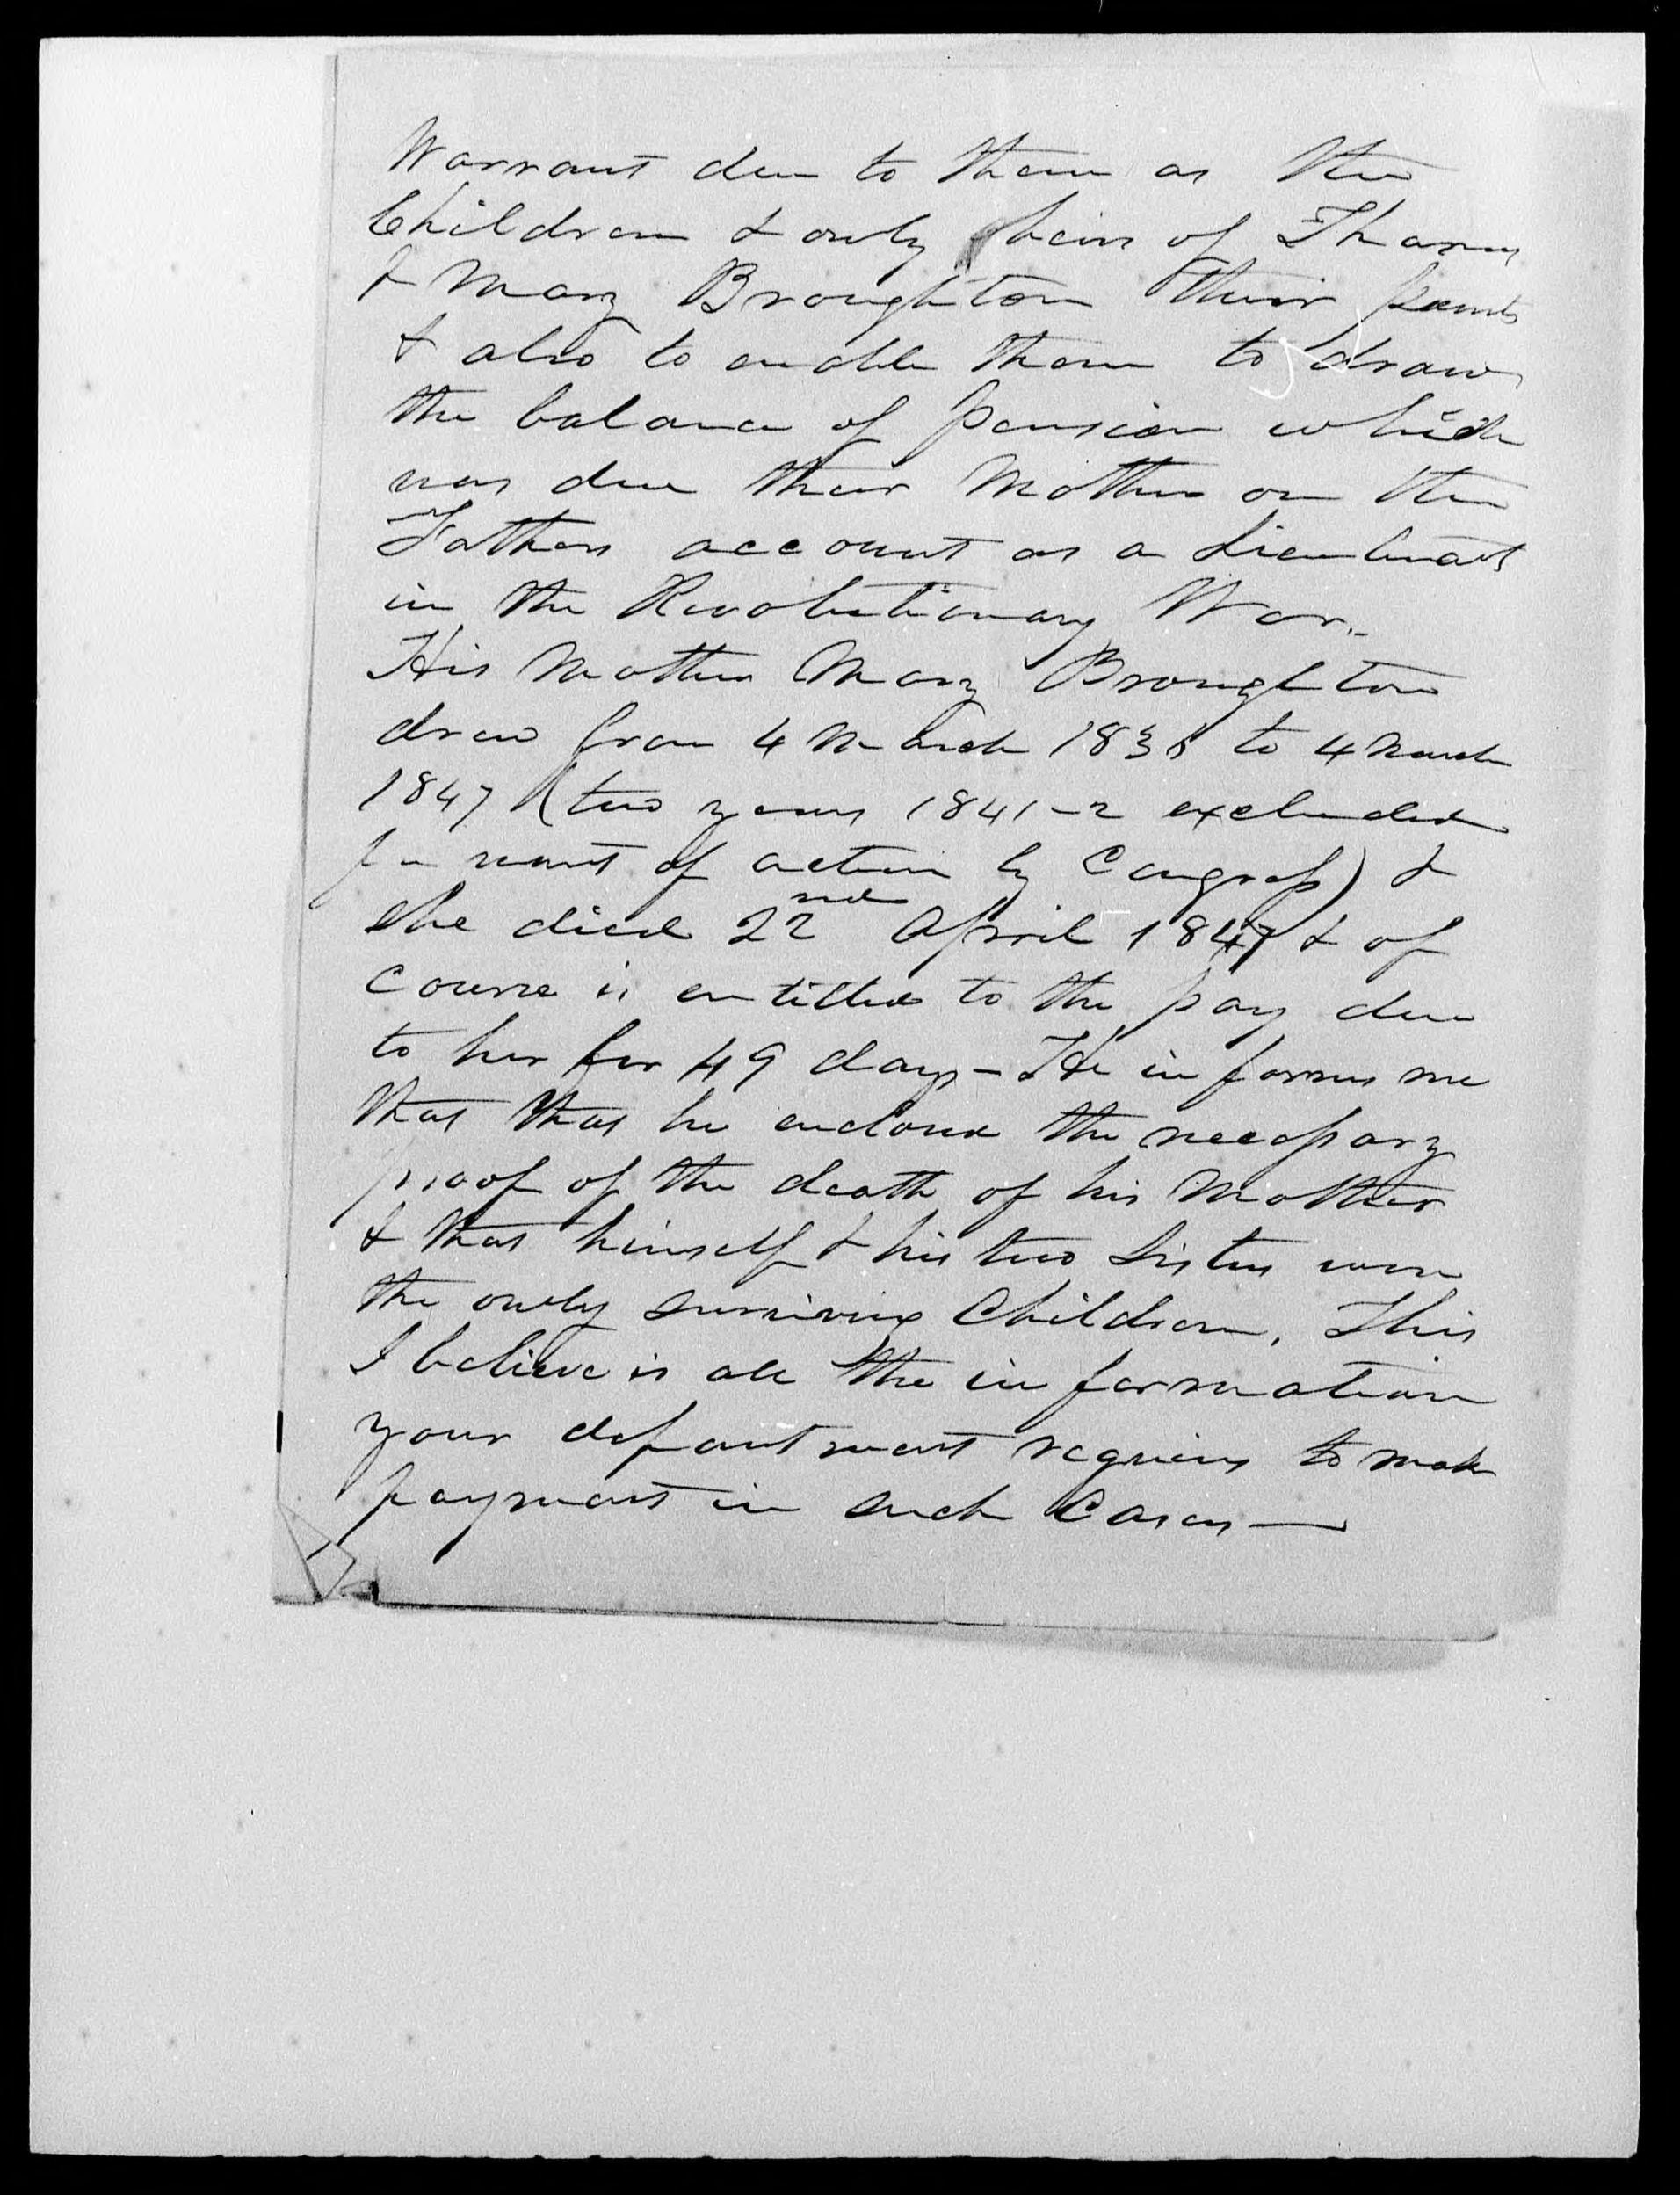Warrant due to them as the children & only heirs of Thomas & Mary Broughton their parents & also to enable them to draw the balance of pension which was due their Mothers or their Fathers account as a Lieutenant in the Revolutionary War.
His Mother Mary Broughton drew from 4 March 1836 to 4 March 1847 (two years 1841-2 excluded for want of action by Congress) & she did 22nd April 1847 & of course is entitled to the pay due to her for 49 days - He informs me that that he enclosed the necessary proof of the death of his Mother & that himself & his two sisters were the only surviving children. This I believe is all the information your department requires to make payment in such cases --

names: Mary Broughton, Thomas Broughton, Mary Broughton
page: 59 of 72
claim: widow's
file: W. 897, Thomas Broughton, S.C.